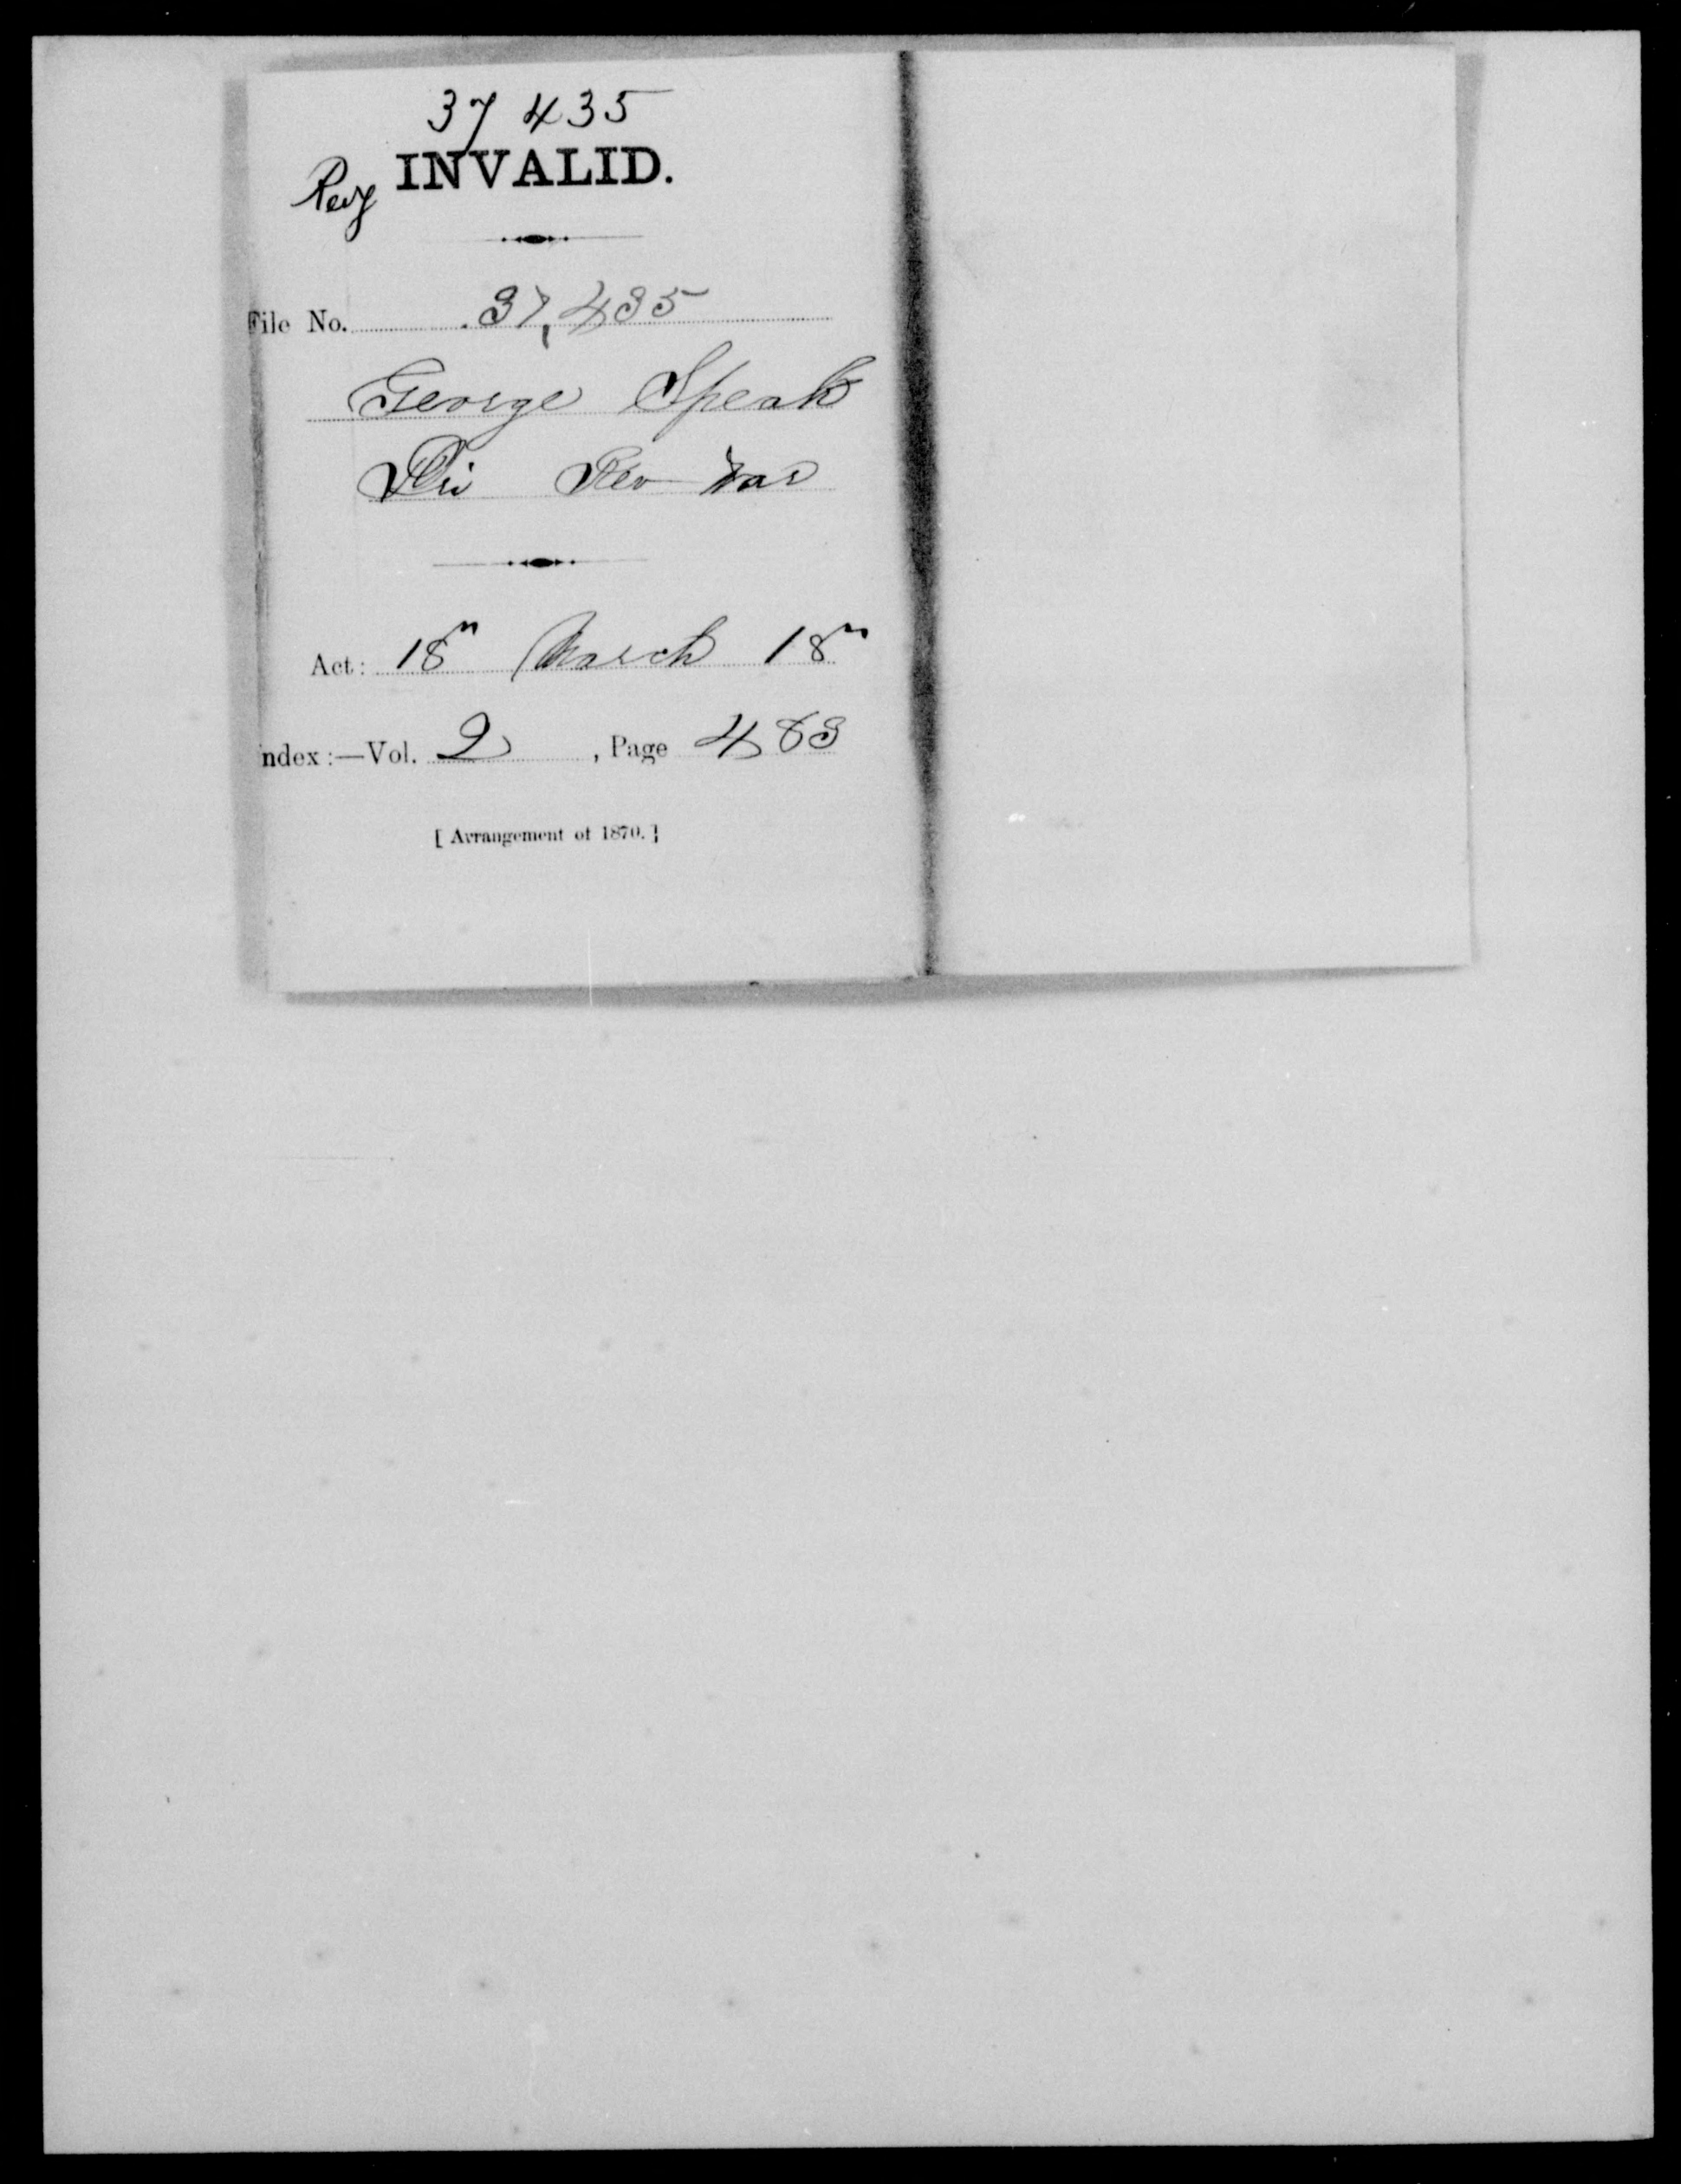37435
Rev'y
INVALID.
________
File No. 37435
George Speak
Pri. Rev. War
_________
Act: 18th March 18"
Index:-Vol. 2, Page 483
[Arrangement of 1870.]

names: George Speak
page: 13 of 15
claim: survivor's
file: S. 37,435, for George Speak, Virginia